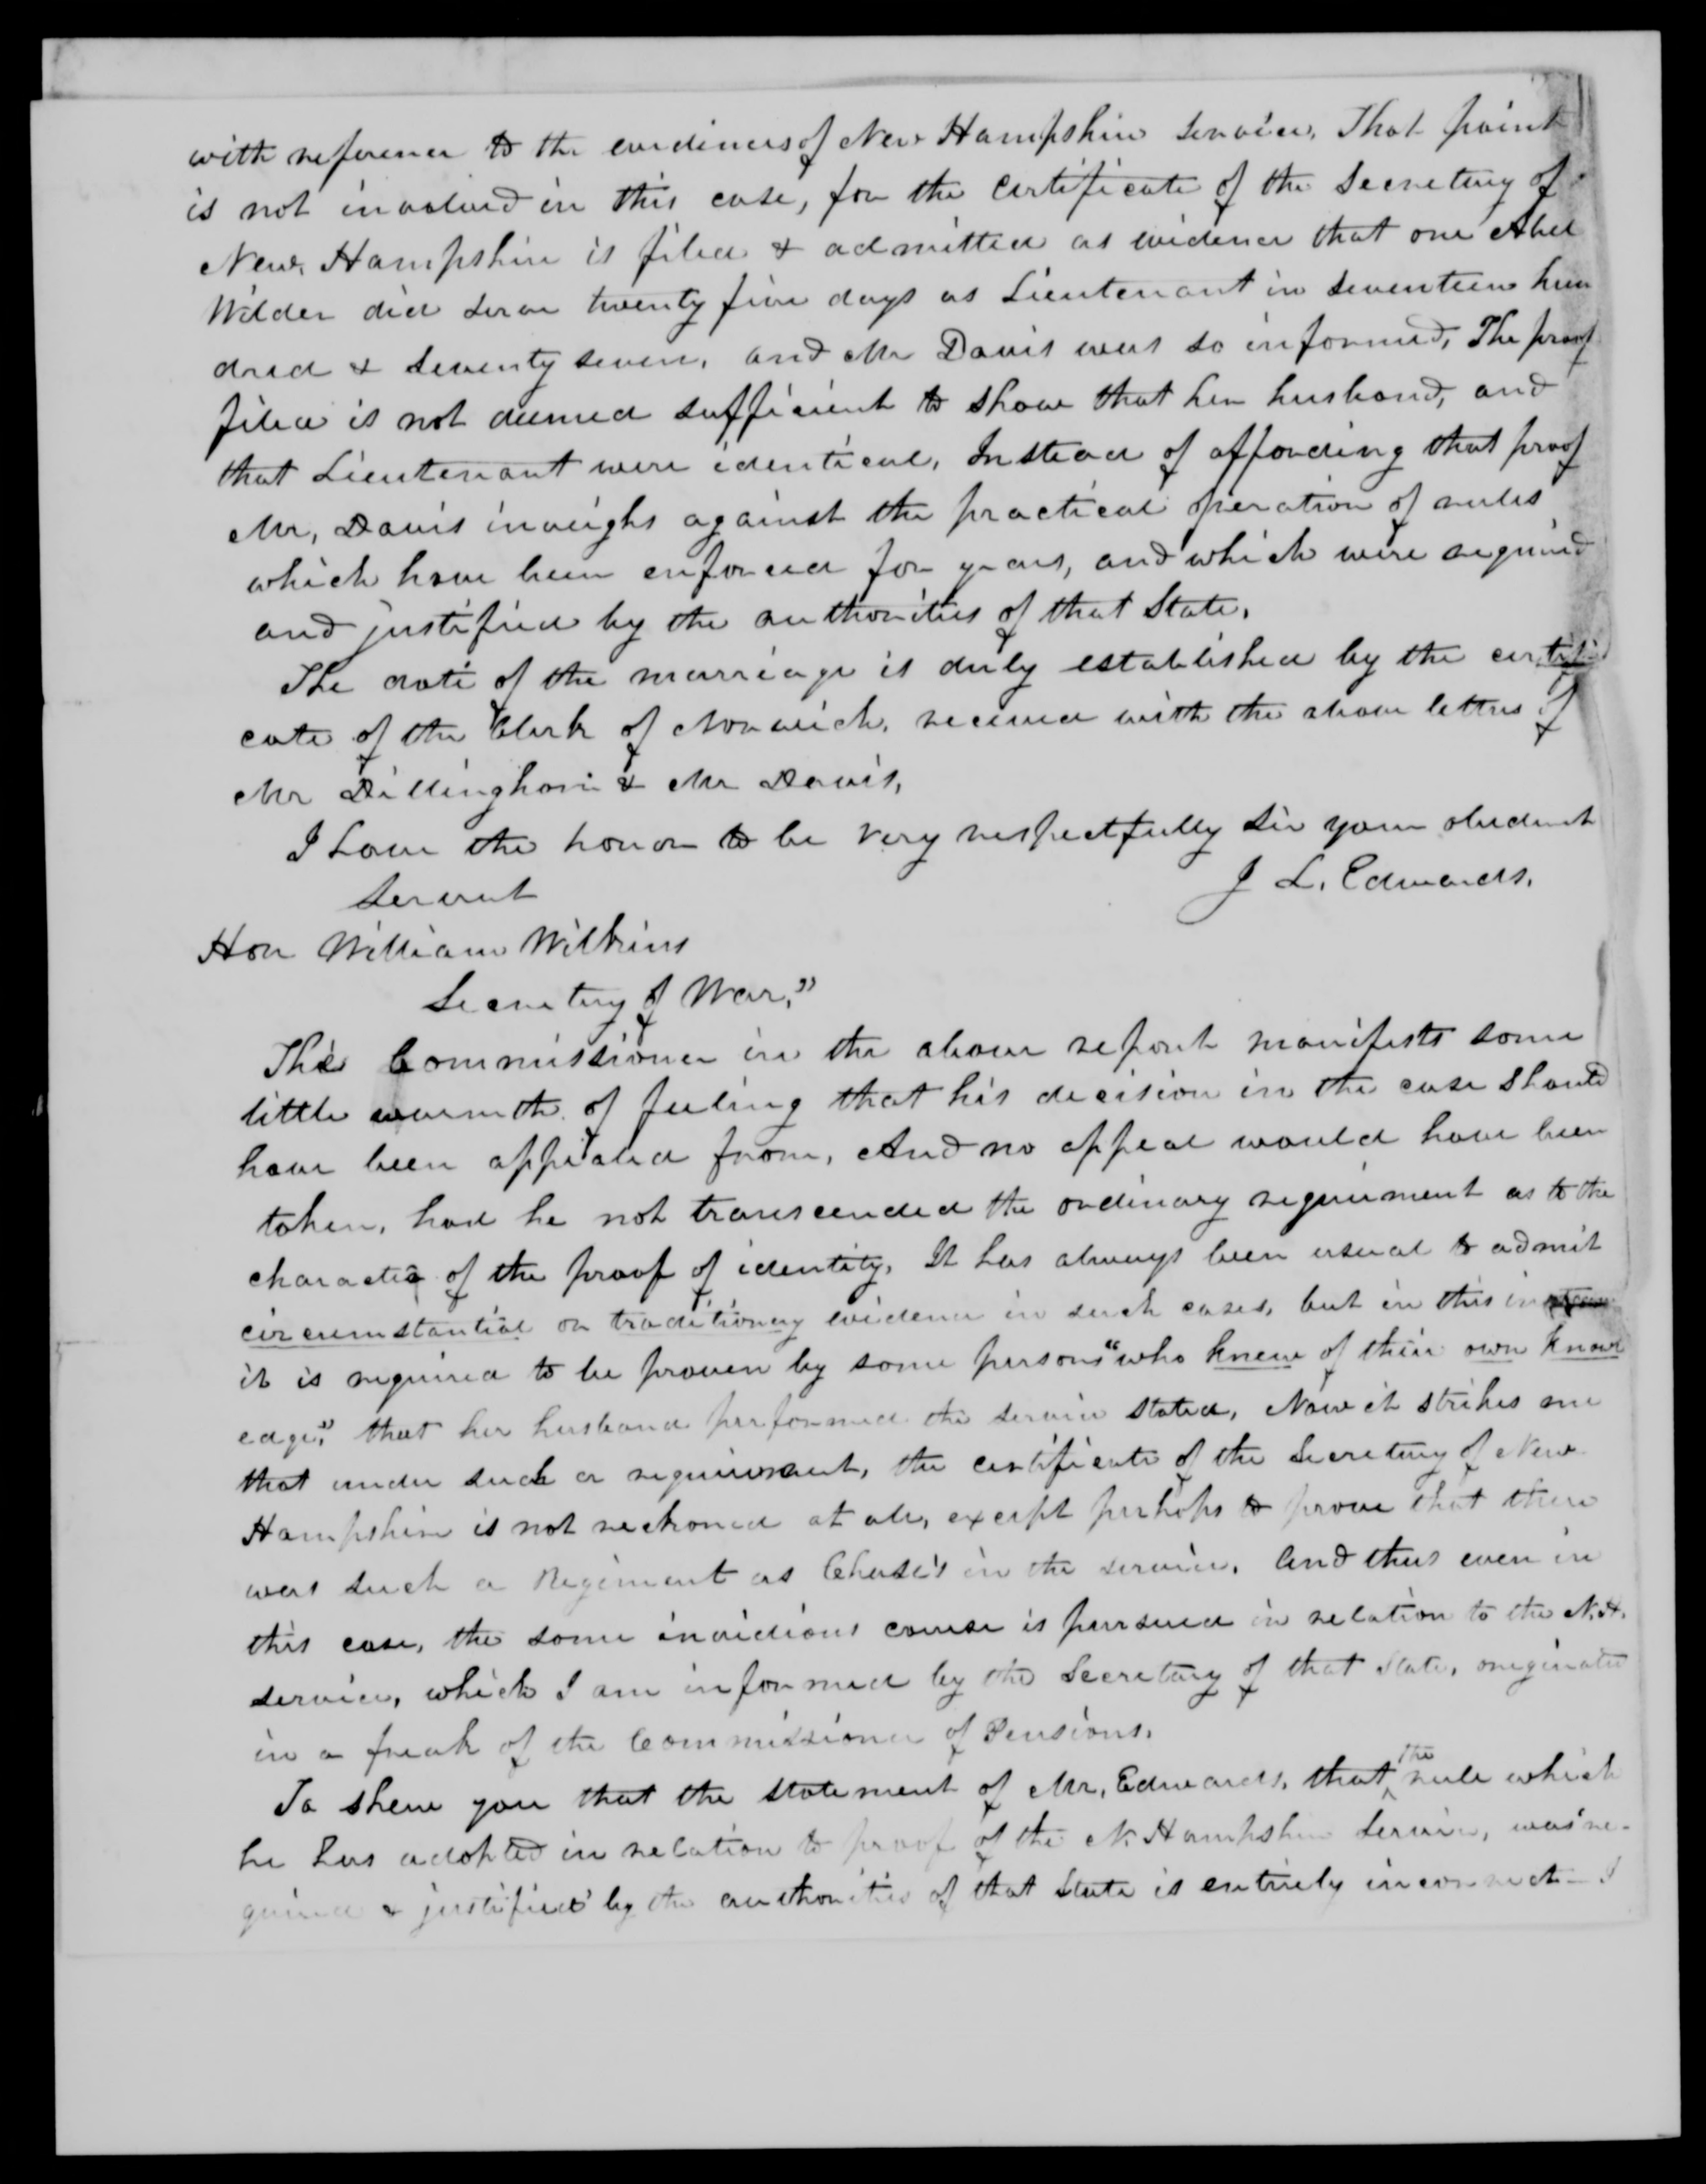with reference to the evidences of New Hampshire Service, that point
is not involved in this case, for the certificate of the Secretary of
New Hampshire is filed & admitted as evidence that one Abel
Wilder did serve twenty five days as Lieutenant in seventeen hundred
& seventy seven, and Mr Davis was so informed. The proof
filed is not deemed sufficient to show that her husband, and
that Lieutenant were identical, Instead of affording that proof
Mr. Davis inveighs against the practical operation of rules
which have been enforced for years, and which were acquired
and justified by the authorities of that State.
The date of the marriage is duly established by the certificate
of the Clerk of Norwich, received with the above letters of
Mr Dillingham & Mr Davis.
I have the honor to be very respectfully Sir your obedient
Servant, J.L. Edwards

Hon William Wilkins
Secretary of War.

This Commissioner in the above report manifests some
little warmth of feeling that his decision in the case should
have been appealed from. And no appeal would have been
taken, had he not transcended the ordinary requirement as to the
character of the proof of identity. It has always been usual to admit
circumstantial or traditionary evidence in such cases, but in this inquiry
it is required to be proven by some persons "who knew of their own knowledge" that her husband performed this service stated. Now it strikes one that under such a requirement the certificate of the Secretary of New Hampshire is not reckoned at all, except perhaps to prove that there
was such a Regiment as Chase's in the service. And thus even in
this case, the some invidious course is imprudent? in relation to the N.H.
service, which I am informed by the Secretary of that State, originated
in a (illegible) of the Commissioner of Pensions.
To shew you that the statement of Mr. Edwards, that the rule which
he has adopted in relation to proof of the N. Hampshire Service, was required
& justified by the authorities of that State is entirely incorrect.--I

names: William Wilkins, Dillingham, Abel Wilder, Edwards, Davis, J L Edwards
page: 39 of 40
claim: widow's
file: W. 18,426, Abel Wilder, Mass. N.H. Vt.